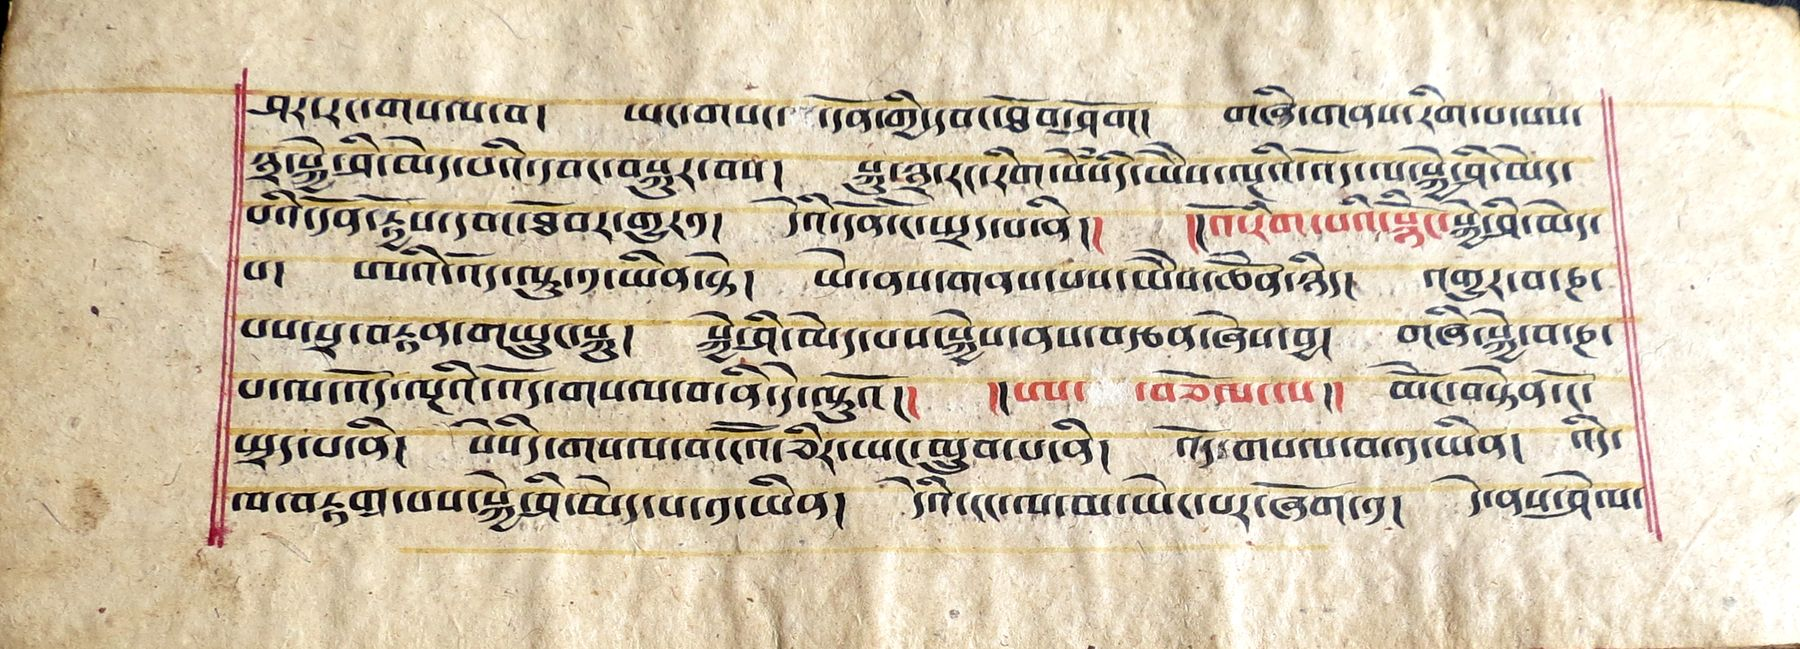ཤར་རང་གསལ་ལ། ཡང་དག་གསང་བའི་དོན་གྱི་དབང་ཐོབ་ཤོག གཞི་གནས་རིག་པ་ཨ་
གསུམ་སྐྱེ་ཤི་མེད་པའི་དབང་བསྐུར་བས། སྐུ་གསུམ་རང་རིག་སེམས་ཉིད་ཡེ་ཤེས་ལྔའི་འོད་ལ་སྐྱེ་ཤི་མེད་
པའི་དོན་རྟོགས་པའི་དབང་ཐོབ་པར་གྱུར་ཅིག། དེའི་དོན་ལ་ངོ་སྤྲད་པ་ནི། འོ་རིག་པའི་སྙིང་པོ་སྐྱེ་ཤི་མེད་
པ། ཨའི་འོད་ལྟ་བུ་ཞིག་ཡིན་ཏེ། ཡེ་ནས་གནས་པས་ཡེ་ཤེས་ཆེན་པོ་ཉིད། འགྱུར་བ་མེད་
པས་སྲ་བརྟན་གཡུང་དྲུང་སྐུ། སྐྱེ་ཤི་མེད་པས་འཆི་མེད་སྐྱེས་ནས་བརྩན་ཞེས་བྱའོ། ། གཞི་སྐྱེ་བ་མེད་
པ་ལ་ཡེ་ཤེས་ལྔའི་འོད་གསལ་བ་ནི་དེ་ལྟ་བུའོ། ། ཨ། བཅོལ་ལ། མེ་ལོང་བསྟན་ཏེ་ངོ་
སྤྲད་པ་ནི། སེམས་ཉིད་གསལ་ལ་ངོ་བོ་ཅི་ཡང་མ་གྲུབ་པ་ནི། འོད་གསལ་བ་ཞིག་ཡིན། འདི་
ལ་བརྟགས་པས་སྐྱེ་ཤི་མེད་པ་ཞིག་ཡིན། དེའི་ངང་ལ་མ་ཡེངས་པར་ཞོག་ཅིག དེ་ནས་ཤེལ་